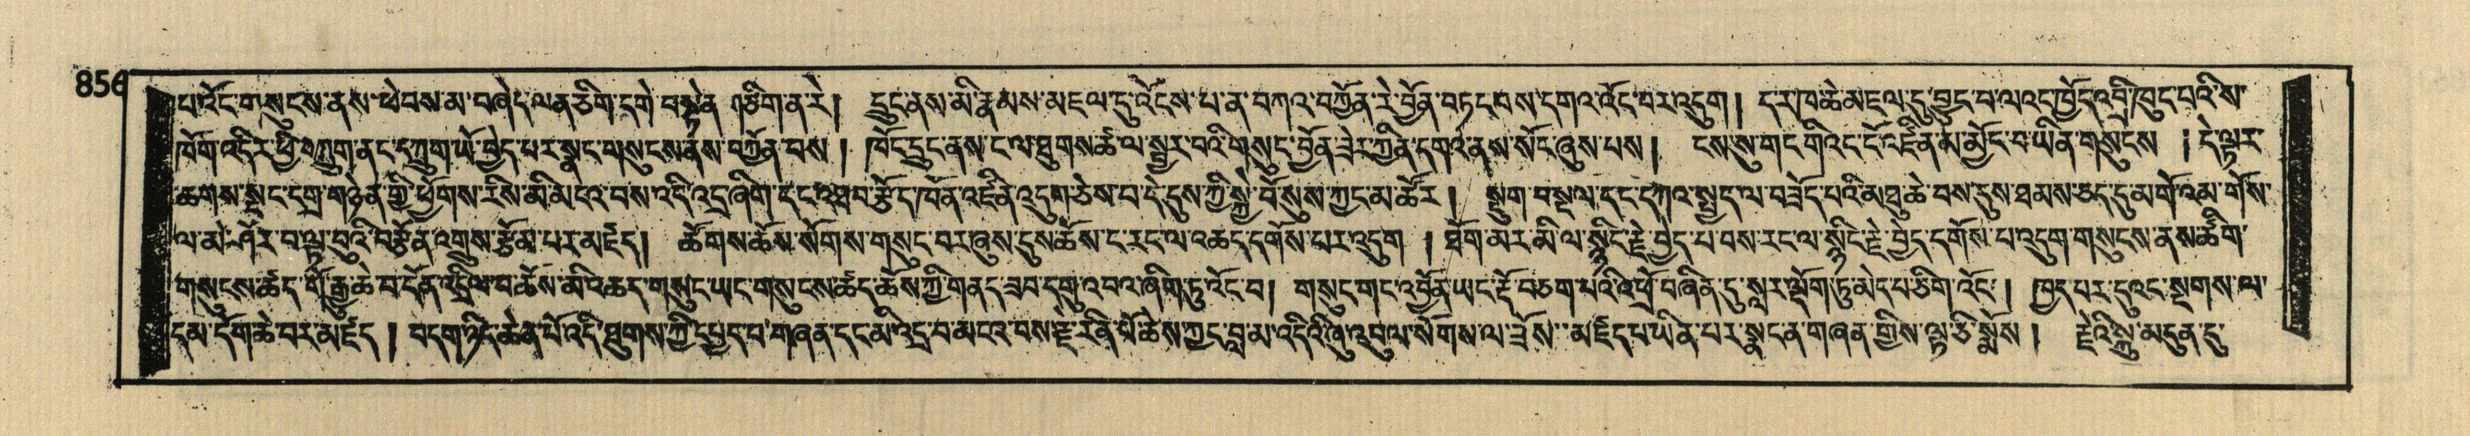པ་འོང་གསུངས་ནས་ཕེབས་མ་བཞེད་ལན་ཅིག་དགེ་བསྟེན་གཅིག་ན་རེ། དྲུང་ནས་མི་རྣམས་མཇལ་དུ་འོངས་པ་ན་བཀའ་བཀྱོན་རེ་བྱོན་བཏང་བས་དགའ་འོང་བར་འདུག། དར་ཁ་ཆེ་མཇལ་དུ་བྱུང་བ་ལའང་ཁྱོད་འབྲི་ཁུང་པའི་ས་
ཁོག་འདིར་ཕྱི་བཀྲུག་ནང་དཀྲུག་ཡོ་བྱེད་པར་སྣང་གསུངས་ནས་བཀྱོན་བས། ཁོང་དྲུང་ནས་ང་ལ་ཐུགས་ཚ་ལ་སྦྱར་བའི་གསུང་བྱོན་ཟེར་ཀྱིན་དགའ་ནས་སོང་ཞུས་པས། ངས་སུ་གང་གིའང་ངོ་འཛིན་མ་མྱོང་བ་ཡིན་གསུངས། དེ་ལྟར་
ཆགས་སྡང་དགྲ་གཉེན་གྱི་ཕྱོགས་རིས་མི་མངའ་བས་འདི་འདྲ་ཞིག་དང་འཐབ་རྩོད་ཁོན་འཛིན་འདུག་ཅེས་པ་དེ་དུས་ཀྱི་སྐྱེ་བོ་སུས་ཀྱང་མ་ཚོར། སྡུག་བསྔལ་དང་དཀའ་སྤྱད་ལ་བཟོད་པའི་མཐུ་ཆེ་བས་དུས་ཐམས་ཅད་དུ་མགོ་འམ་གོས་
ལ་མེ་ཤོར་བ་ལྟ་བུའི་བརྩོན་འགྲུས་རྩོམ་པར་མཛད། ཚོགས་ཆོས་སོགས་གསུང་བར་ཞུས་དུས་ཆོས་ང་རང་ལ་འཆད་དགོས་པར་འདུག། ཐོག་མར་མི་ལ་སྙིང་རྗེ་བྱེད་པ་བས་རང་ལ་སྙིང་རྗེ་བྱེད་དགོས་པ་འདུག་གསུངས་ནས་ཚིག་
གསུངས་ཚད་གོ་རྒྱུ་ཆེ་བ་དོན་འདྲིལ་བ་ཆོས་མི་འཆད་གསུང་ཡང་གསུངས་ཚད་ཆོས་ཀྱི་གནད་ཟབ་དགུ་འབའ་ཞིག་ཏུ་འོང་བ། གསུང་གང་འབྱོན་ཡང་རྡོ་བཅག་པའི་འཕྲོ་བཞིན་དུ་སླར་ལྡོག་ཏུ་མེད་པ་ཅིག་འོང་། ཁྱད་པར་དུའང་སྔགས་ལ་
དམ་དོག་ཆེ་བར་མཛད། བདག་ཉིད་ཆེན་པོ་འདི་ཐུགས་ཀྱི་དཔྱད་པ་གཞན་དང་མི་འདྲ་བ་མངའ་བས་རྗེ་རིན་པོ་ཆེས་ཀྱང་བླ་མ་འདིའི་ཞུ་འབུལ་སོགས་ལ་ཟོས་མཛད་པ་ཡིན་པར་སྣང་ན་གཞན་གྱིས་ལྟ་ཅི་སྨོས། རྗེའི་སྐུ་མདུན་དུ་